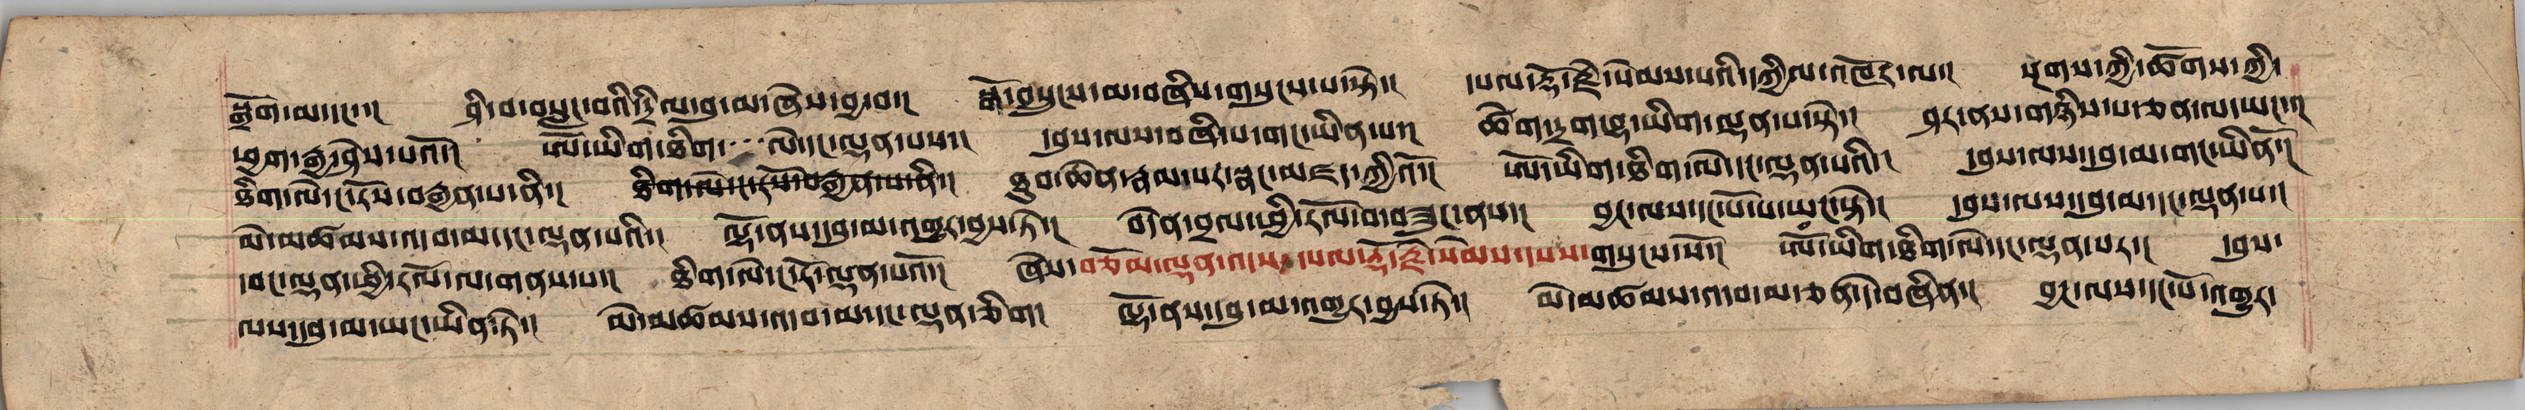སྒྲོག་མ་དང་་། ཤི་བ་བསླང་བའི་དྲིལ་བུ་མ་ཞེས་བྱ་བ་། སྒོ་བསྲུངས་མ་བཞིས་གསུངས་པ་སྟེ་། དཔལ་རྡོ་རྗེ་སེམས་པའི་དཀྱིལ་འཁོར་ལ་། སྔགས་ཀྱི་ཚོགས་ཀྱི་
ཕྱག་རྒྱ་ཤེས་པའོ་། ཨོ་ཡིག་ཐིག་་་་ལེ་དང་ལྡན་པས་། དབུས་ལས་བཞི་པ་གང་ཡིན་པ་། ཚེག་དྲག་བྷ་ཡིག་ལྡན་པ་སྟེ་། ཤར་ནས་གཉིས་པ་ཅན་ལ་ཡང་་།
ཐིག་ལེ་ང་རོས་བརྒྱན་པ་ནི་། ཐིག་ལེ་ང་རོས་བརྒྱན་པ་ནི་། ཐུབ་ཆེན་རྣམ་པར་སྣང་མཛད་ཀྱིའོ་། ཨོ་ཡིག་ཐིག་ལེ་དང་ལྡན་པའི་། དབུས་ལས་དབུ་མ་གང་ཡིནོ་།
མེ་མཚམས་འདབ་མ་དང་ལྡན་པའི་། ལྷོ་ནས་དབུ་མ་འགྱུར་བྱས་ཏེ་། བདེན་བྲལ་ཕྱི་རོལ་བ་བཟུང་ནས་། བྱང་ལས་དང་པོ་པ་ཡང་སྟེ་། དབུས་ལས་དབུ་མ་དང་ལྡན་པ་།
དབང་ལྡན་ཕྱི་རོལ་ལ་གནས་པ་། ཐིག་ལེ་ང་རོ་ལྡན་པའོ་། ཞེས་བཅོམ་ལྡན་འདས་དཔལ་རྡོ་རྗེ་སེམས་དཔས་གསུངས་སོ་། ཨོ་ཡིག་ཐིག་ལེ་དང་ལྡན་པར་། དབུས་
ལས་དབུ་མ་ཡང་ཡིན་ཏེ་། མེ་མཚམས་འདབ་མ་དང་ལྡན་ཅིག། ལྷོ་ནས་དབུ་མ་འགྱུར་བྱས་ཏེ་། མེ་མཚམས་འདབ་མ་ཅན་དེ་བཞིན་། བྱང་ལས་དང་པོ་འགྱུར་